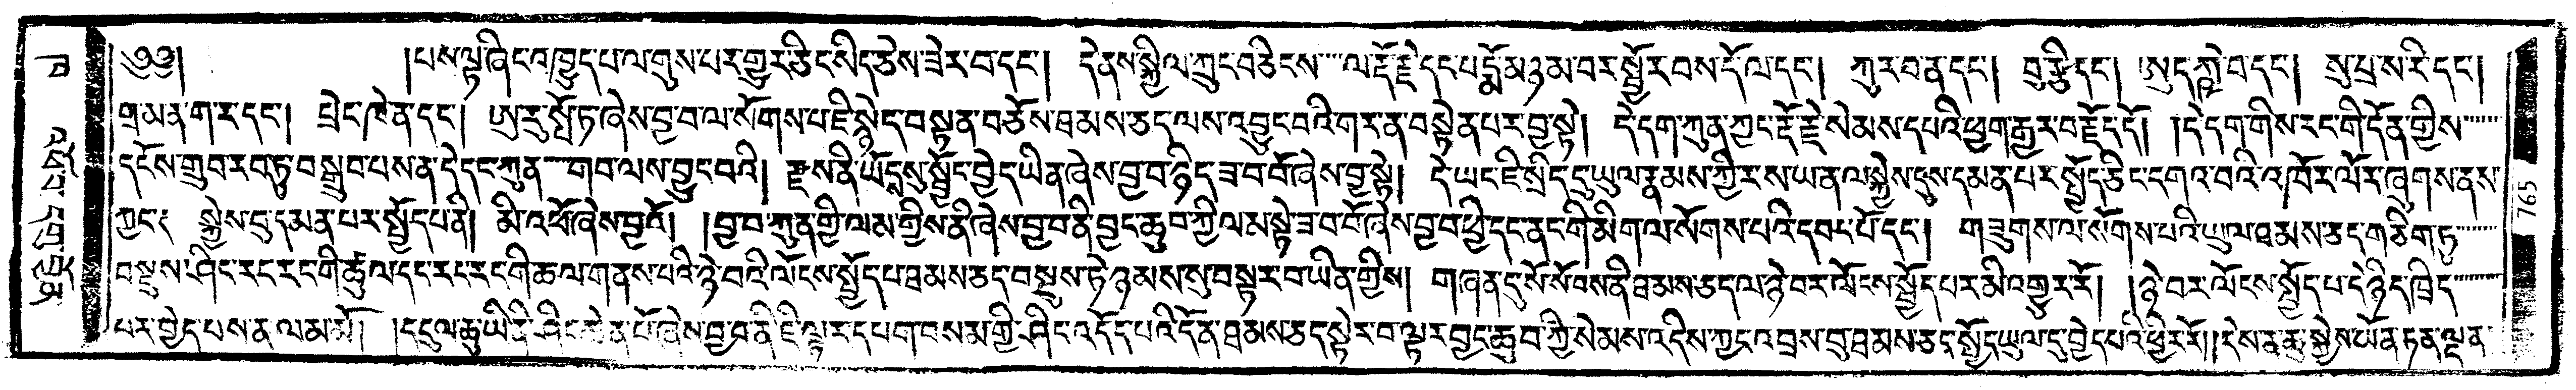༄༅། །པས་ལྟ་ཞིང་འཁྱུད་པ་ལ་གུས་པར་གྱུར་ཅིང་སིད་ཅེས་ཟེར་བ་དང་། དེ་ནས་སྐྱིལ་ཀྲུང་བཅིངས་ལ་རྡོ་རྗེ་དང་པདམོ་མཉམ་པར་སྦྱོར་བས་དོ་ལ་དང་། ཀུར་བན་དང་། བུ་རྩི་དང་། ཨུད་ཀྵེ་བ་དང་། སུ་པྲ་ས་རི་དང་།
ཐ་མན་ག་ར་དང་། པྲེང་ཁེ་ན་དང་། ཨུ་རུ་སྤོ་ཏ་ཞེས་བྱ་བ་ལ་སོགས་པ་ཇི་སྙེད་བསྟན་བཅོས་ཐམས་ཅད་ལས་འབྱུང་བའི་གར་ན་བསྟེན་པར་བྱ་སྟེ། དེ་དག་ཀུན་ཀྱང་རྡོ་རྗེ་སེམས་དཔའི་ཕྱག་རྒྱར་བརྗོད་དོ། །དེ་དག་གིས་རང་གི་དོན་གྱིས་
དངོས་གྲུབ་རབ་ཏུ་བསྒྲུབ་པས་ན་དེ་དང་ཀུན་གབ་ལས་བྱུང་བའི། རྫས་ནི་ཡོངས་སུ་སྦྱོང་བྱེད་ཡིན་ཞེས་བྱ་བ་ཉིད་ཟ་བ་པོ་ཞེས་བྱ་སྟེ། དེ་ཡང་ཇི་སྲིད་དུ་ཡུལ་རྣམས་ཀྱི་ར་ས་ཡན་ལ་སྐྱེས་བུས་དམན་པར་སྤྱོད་ཅིང་དགའ་བའི་འཁོར་ལོར་ཞུགས་ནས་
ཀྱང༑ སྐྱེས་བུ་དམན་པར་སྤྱོད་པ་ནི། མི་འཕོ་ཞེས་བྱའོ། །བྱ་བ་ཀུན་གྱི་ལམ་གྱིས་ནི་ཞེས་བྱ་བ་ནི་བྱང་ཆུབ་ཀྱི་ལམ་སྟེ་ཟ་བ་པོ་ཞེས་བྱ་བ་ཕྱི་དང་ནང་གི་མིག་ལ་སོགས་པའི་དབང་པོ་དང་། གཟུགས་ལ་སོགས་པའི་ཡུལ་ཐམས་ཅད་གཅིག་ཏུ་
བསྡུས་ཤིང་རང་རང་གི་ཚུལ་དང་རང་རང་གི་ཆ་ལ་གནས་པའི་ཉེ་བའི་ལོངས་སྤྱོད་པ་ཐམས་ཅད་བསྡུས་ཏེ་ཉམས་སུ་བསྟར་བ་ཡིན་གྱིས། གཞན་དུ་སོ་སོ་བས་ནི་ཐམས་ཅད་ལ་ཉེ་བར་ལོངས་སྤྱོད་པར་མི་འགྱུར་རོ། །ཉེ་བར་ལོངས་སྤྱོད་པ་དེ་ཉིད་ཁྲིད་
པར་བྱེད་པས་ན་ལམ་མོ། །དངུལ་ཆུ་ཡི་ནི་ཤིང་ཆེན་པོ་ཞེས་བྱ་བ་ནི་ཇི་ལྟར་དཔག་བསམ་གྱི་ཤིང་འདོད་པའི་དོན་ཐམས་ཅད་སྟེར་བ་ལྟར་བྱང་ཆུབ་ཀྱི་སེམས་འདིས་ཀྱང་འབྲས་བུ་ཐམས་ཅད་སྤྱོད་ཡུལ་དུ་བྱེད་པའི་ཕྱིར་རོ། །དེས་ན་ཆུ་སྐྱེས་ཡོན་ཏན་ལྡན་